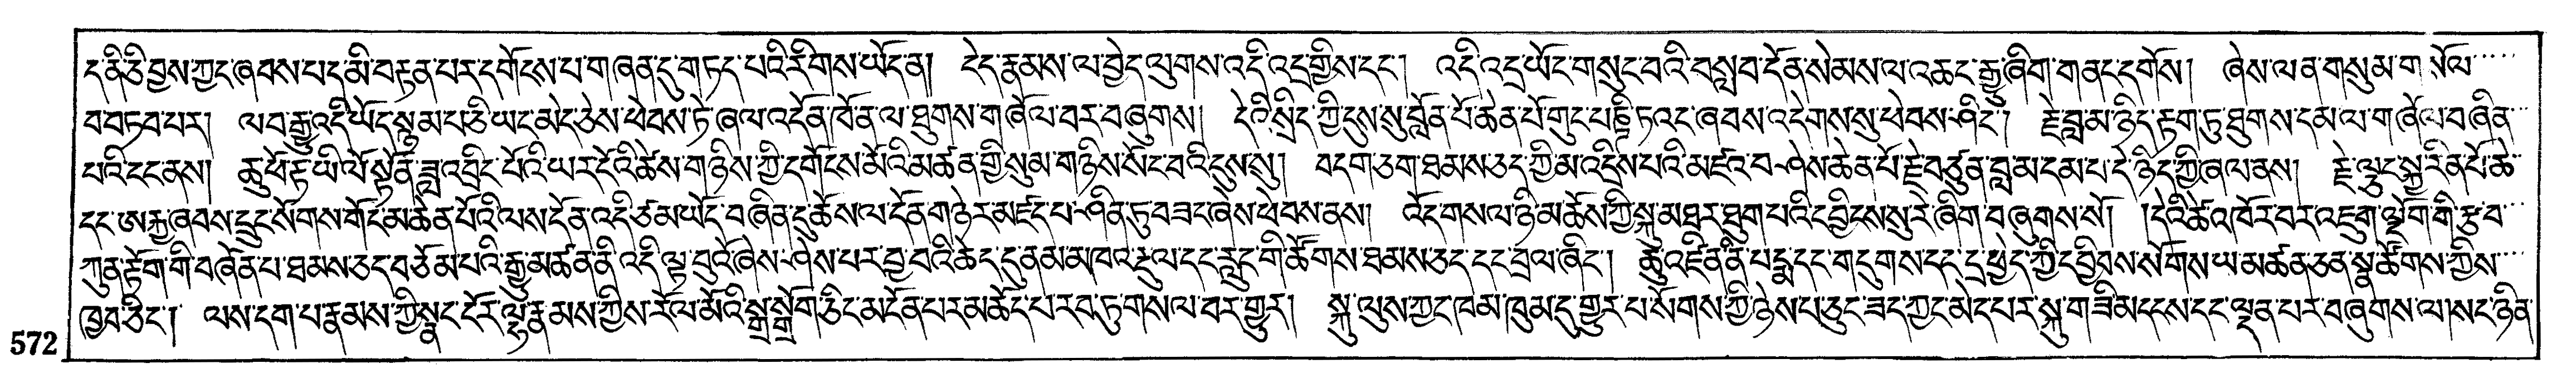ད་ནི་ཅི་བྱས་ཀྱང་ཞབས་བད་མི་བརྟན་པར་དགོངས་པ་གཞན་དུ་གཏད་པཆ་ས༆་ཅཌ་༴}པ་༺པ༺་༈ དི་འདྲ་གྱིས་དང་། །འདི་འདྲ་ཡོང་གསུང་བའི་བསླབ་དོན་སེམས་ལ་འཆང་རྒྱུ་ཞིག་གནང་དགོས། ཞེས་ལན་གསུམ་གསོལ་
པ་བཏབ་བར། ལབ་རྒྱུ་འདི་ཡོད་སྙམ་པ་ཅི་ཡང་མེད་ཅེས་ཕེབས་ཏེ་ཞལ་འདོན་ཁོན་ལ་ཐུགས་གཞོལ་བར་བཞུགས། དྲཱི་སྲོད་ཀྱི་དུས་སུ་བློན་པོ་ཆེན་པོ་གུང་པཎྜི་ཏའང་ཞབས་འདེགས་སུ་ཕེབས་ཤིང་། རྗེ་བླ་མ་ཉིད་རྟག་ཏུ་ཐུགས་དམ་ལ་གཞོལ་བཞིན་
པའི་ངན་ནས། ཆུ་པོ་རྟ་ཡི་ལོས་ཏོན་ཟླ་འབྲིང་པོའི་ཡར་ངོའི་ཚེས་གཉིས་ཀྱི་དགོངས་མོའི་མཚན་གྱི་སུམ་གཉིས་སོང་བའི་དུས་སུ། བདག་ཅག་ཐམས་ཅད་ཀྱི་ཨམ་འདྲིས་པའི་མཛའ་བཤེས་ཆེན་པོ་རྗེ་བཙུན་བླ་མ་དམ་པ་དེ་ཉིད་ཀྱི་ཞལ་ནས། རྗེ་ལྕང་སྐྱ་རིན་པོ་ཆེ་
དང་ཨརྐྱ་ཞབས་དྲུནཧ་སོགས་གོང་ཨམ་ཆེན་པོའི་ལས་དོན་འདི་ཙམ་ཡོད་བཞིན་དུ་ཆོས་ལ་དོན་གཉེར་མཛད་པ་ཤིན་ཏུ་བཟང་ཞེས་ཕེབས་ནས། འོད་གསལ་ཉི་མ་ཆོས་ཀྱི་སྐུ་མཐར་ཐུག་ཨཱི་དབྱིངས་སུ་རེ་ཞིག་བཞུགས་སོ། །དེའི་ཚེ་འཁོར་པར་འཇུག་ལྡོག་གི་རྩ་བ་
ཀུན་རྟོག་གི་བཞོན་པ་ཐམས་ཅད་བཅོམ་པའི་རྒྱུ་མཚན་ནི་འདི་ལྟ་བུའི་ཞེས་ཤེས་པར་བྱ་བའི་ཆེད་དུ་ནམ་མཁའ་རྡུལ་དང་རླུང་གི་ཚོགས་ཐམས་ཅད་དང་བྲལ་ཤིང་། ཆུ་འཛིན་ནི་པདམ་དང་གདུགས་དང་དྲ་ཕྱེད་ཀྱི་དབྱིབས་སོགས་ཡ་མཚན་ཅན་སྣ་ཚོགས་ཀྱིས་
ཁྱབ་ཅིང་། ལས་དག་པ་རྣམས་ཀྱི་སྣང་ངོད་ལྷ་རྣམས་ཀྱིས་རོལ་མོའི་སྒྲ་སྒྲོག་ཅིང་མངོན་པར་མཆོད་པ་རབ་ཏུ་གསལ་བར་གྱུར། སྐུ་ལུས་ཀྱང་ཁམ་ཁུབ་དུ་གྱུར་པ་སོགས་ཀྱི་ཉེས་པ་ཅུང་ཟད་གྱད་མེད་པར་སྐུ་གཟི་མདངས་དང་ལྡན་པར་བཞུགས་ལ། སང་ཉིན་